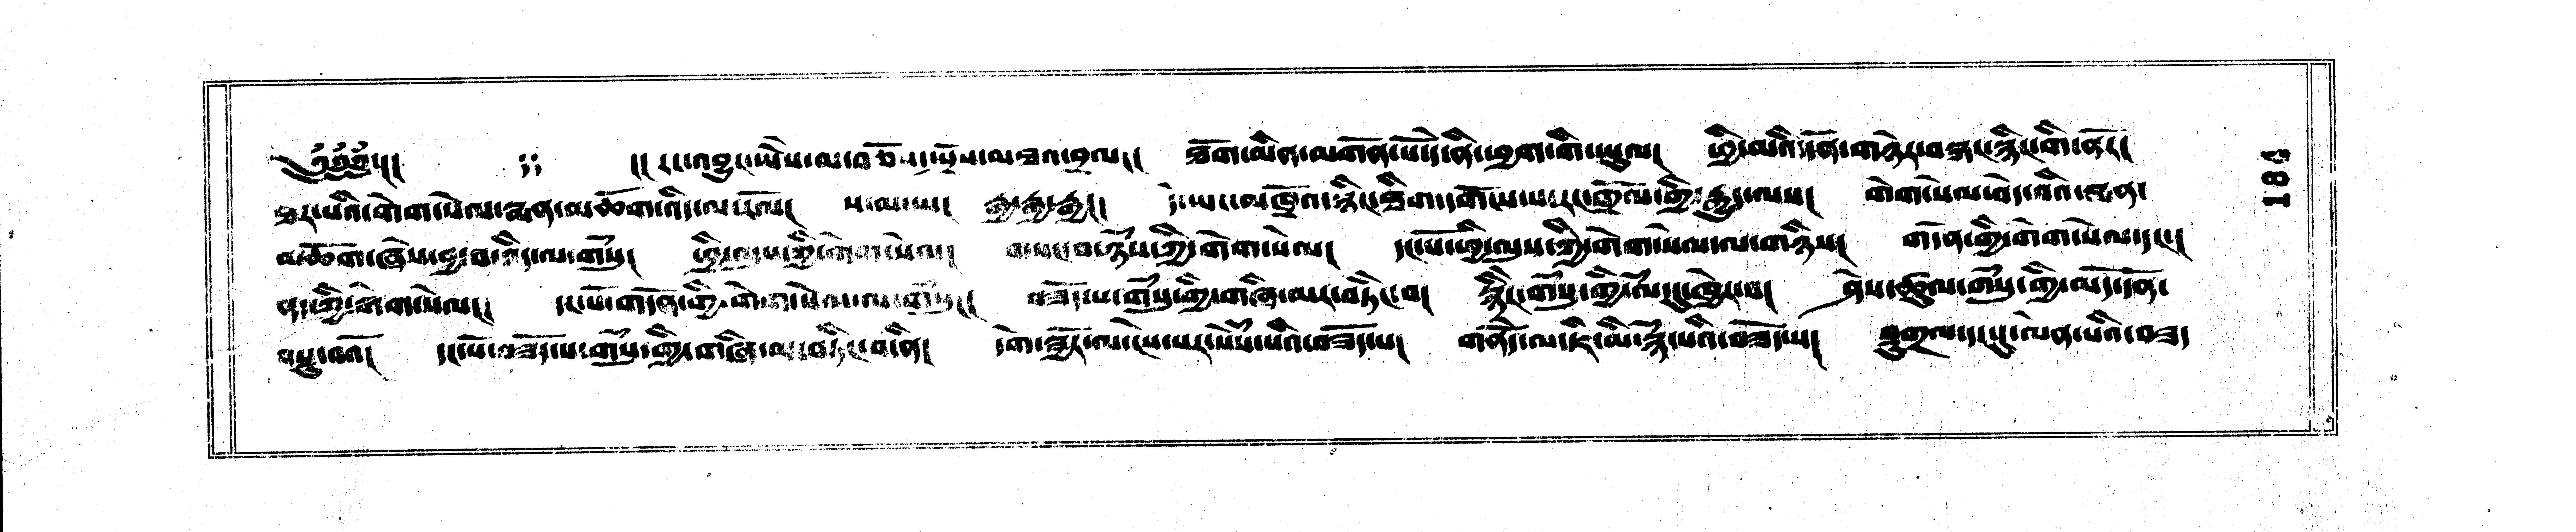༄༅།། །།རང་འབྱུང་ཡེ་ཤེས་མ་བཅོས་སྤྲོས་མཐའ་བྲལ། །ཐོག་མའི་མགོན་པོ་དེ་ནི་ཕྱག་གི་ཡུལ། །ཕྱི་མའི་དོན་གཉེར་བསྐང་༼༽སྙིང་གི་ནོར། །
ཐར་པའི་གེག་སེལ་སྨན་མཆོག་འདི་ལ་རོལ། །ས་མ་ཡ། རྒྱ་རྒྱ་རྒྱ། །དེ་ཡང་མཁའ་འགྲོ་སྙིང་ཐིག་དགོངས་པ་རང་གྲོལ་གྱི་རྒྱུད་ལས། གེག་སེལ་བདེ་བའི་སྨན་
མཆོག་ཞེས་བྱ་བ་འདི་ལ་གསུམ། ཕྱི་ལུས་ཀྱི་གེག་སེལ། གསང་བ་ཉམས་ཀྱི་གེག་སེལ། དང་པོ་ཕྱི་ལུས་ཀྱི་གེག་སེལ་ལ་གཉིས། གདོན་གྱི་གེག་སེལ་དང་།
 ནད་ཀྱི་གེག་སེལ། དང་པོ་གདོན་གྱི་གེག་ལ་གསུམ། བཟོད་པ་གསུམ་གྱི་གཞི་མར་བཏིང་བ། སྙིང་རྗེ་གསུམ་གྱི་ལམ་དུ་ཁྱེར་བ། ཤེས་ཚུལ་གསུམ་གྱི་མདོ་དོན་
བསྡུ་བའོ། །དང་པོ་བཟོད་པ་གསུམ་གྱི་གཞི་མ་བཏིང་བ་ནི། དགེ་སྦྱོར་ལ་ངེས་པར་སེམས་པའི་བཟོད་པ། གནོད་པ་ལ་ཇི་མི་སྙམ་པའི་བཟོད་པ། སྡུག་བསྔལ་དང་དུ་ལེན་པའི་བཟོད་